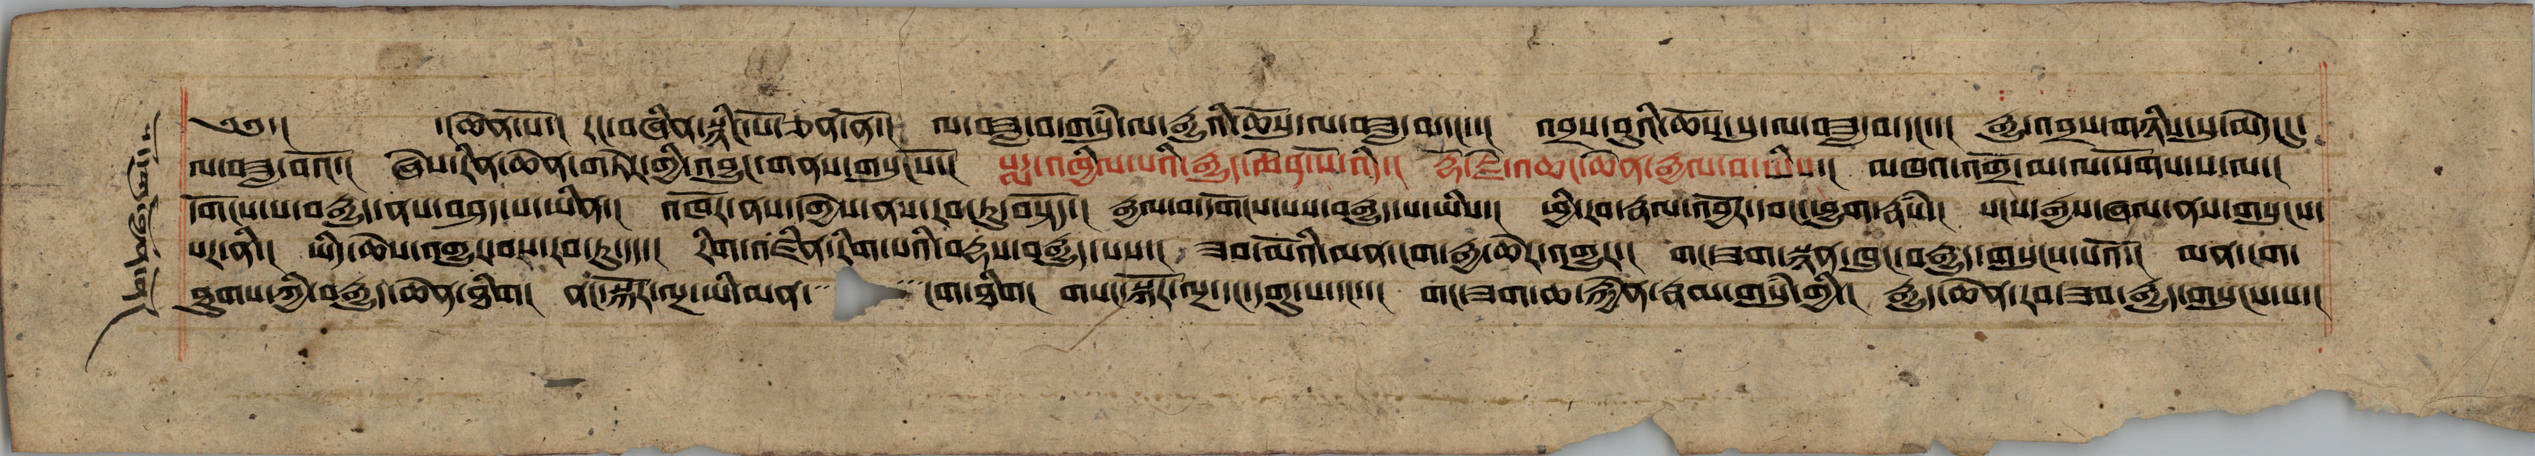༄༅་། ་།ཆེན་པོ་། རང་བཞིན་སྙིང་པོ་ཅན་ནོ་། ལ་བཟླ་བ་གསུཾ་ལ་རྒྱུའི་ཆོསུ་ལ་བཟླ་བ་དང་་། འབྲས་བུའི་ཆོས་སུ་ལ་བཟླ་བ་དང་་། རྒྱུ་འབྲས་གཉིས་སུ་མེད་དུ་
ལ་བཟླ་བའོ་། ཞེས་རིན་ཆེན་གཏེར་གྱི་འབྱུང་གནས་གསུངསོ་། པདྨ་འཁྱིལ་པའི་རྒྱུད་ཆེན་པོ་འདི་། རྡོ་རྗེ་འཆང་ཆེན་རྒྱལ་བ་ཡིས་། མཁའ་འགྲོ་མ་ལ་སོགས་པ་ལ་།
དགོངས་པ་བརྒྱུད་ནས་བཤད་པ་ཡིན་། འཁོར་ནས་དགྱེས་ནས་རབ་ཏུ་བསྟོད་། རྒྱལ་བ་དགོངས་པས་བརྒྱུད་པ་ཡིས་། ཕྱི་རབ་རྣལ་འབྱོར་དབང་ཕྱུག་རྣཾས་། སངས་རྒྱས་ཞལ་ནས་གསུངས་
པར་ནི་། ཡིད་ཆེས་འགྱུར་བར་རབ་ཏུ་དད་། རིག་འཛིན་རིག་པའི་བརྡས་བརྒྱུད་པས་། ཟབ་མོའི་མན་ངག་རྒྱ་ཆེར་འགྱུར་། གང་ཟག་སྙན་ཁུང་བརྒྱུད་གསུངས་པའོ་། མན་ངག་
ཐུགས་ཀྱི་བརྒྱུད་ཆེན་ཐིག། ནང་སྐོར་ལྔ་ཡི་མན་ ངག་ཐིག། གསང་སྐོར་ལྔ་དང་དགུ་པ་དང་་། གང་ཟག་ཆ་རྐྱེན་རྣམ་གསུཾ་གྱི་། རྒྱུད་ཆེན་རབ་ཟབ་རྒྱུད་གསུངས་པ་།